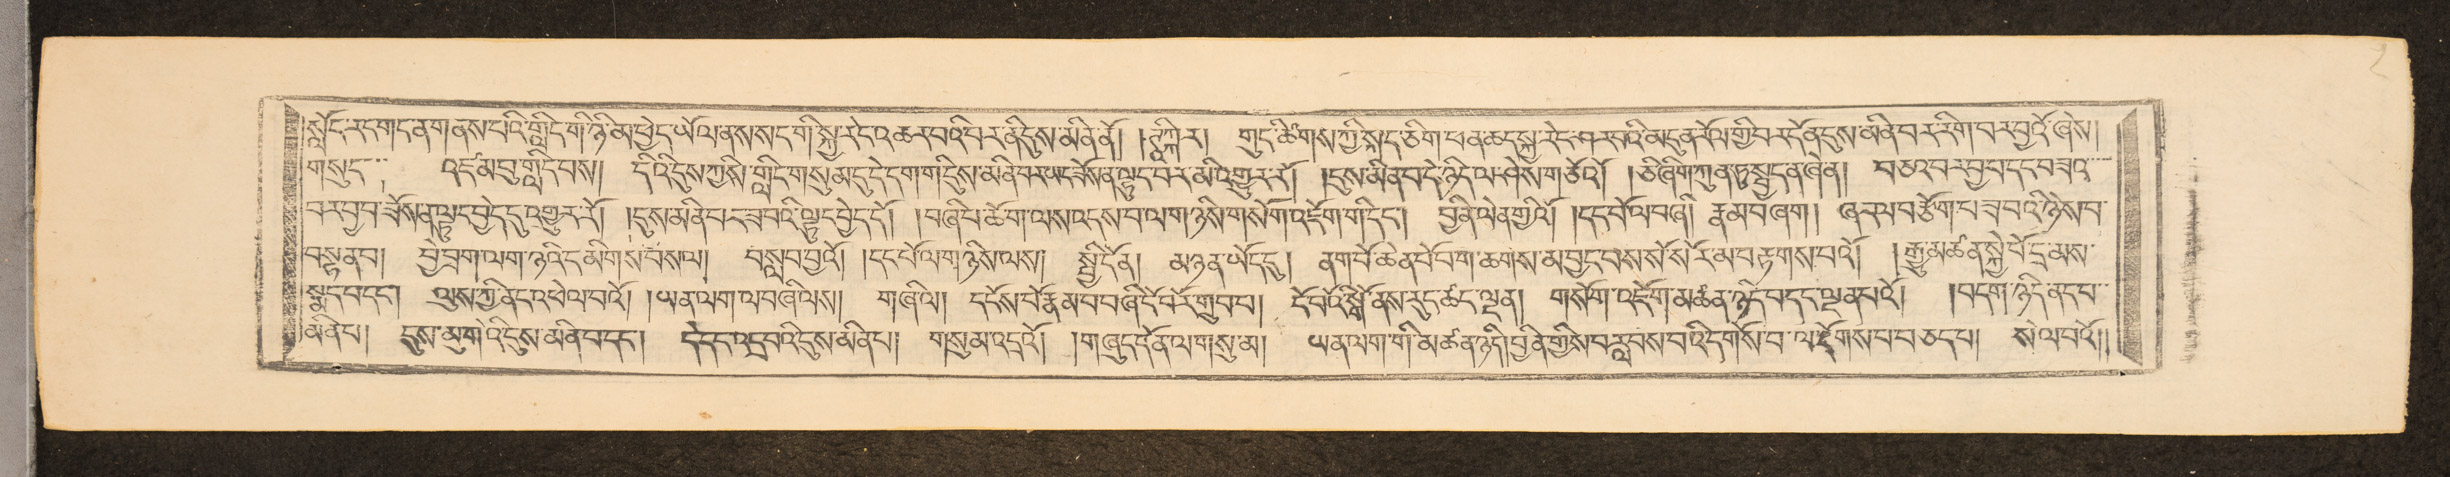སློང་རང་གང་ན་གནས་པའི་གླིང་གི་ཉི་མ་ཕྱེད་ཡོལ་ནས་སང་གི་སྐྱ་རེང་འཆར་བའི་བར་ནི་དུས་མིན་ནོ། །ཊཱིཀྐར། གུང་ཚིགས་ཀྱི་སྐད་ཅིག་ཕན་ཆད་སྐྱ་རེང་ཤར་བའི་མདུན་རོལ་གྱི་བར་དེ་ནི་དུས་མིན་པར་རིག་པར་བྱའོ་ཞེས།
གསུངས། འཛམ་བུ་གླིང་པས། དེའི་དུས་ཀྱིས་གླིང་གསུམ་དུ་དེ་དག་གིས་དུས་མིན་པར་ཡང་ཟོས་ན་ལྟུང་བར་མི་འགྱུར་རོ། །དུས་མིན་པ་དེ་ཉིད་ལ་ཤེས་གཙོའོ། །ཅི་ཞིག་ཀུན་ཏུ་སྦྱད་ན་ཞེ་ན། བཅའ་བར་བྱ་བ་དང་བཟའ་
བར་བྱ་བ་ཟོས་ན་ལྟུང་བྱེད་དུ་འགྱུར་རོ། །དུས་མིན་པར་ཟ་བའི་ལྟུང་བྱེད་དོ། །བཞི་པ་ཆོ་ག་ལས་འདས་པ་ལ་གཉིས་གསོག་འཇོག་གི་དང་། བྱིན་ལེན་གྱིའོ། །དང་པོ་ལ་བཞི། རྣམ་བཞག། ཞར་ལ་བརྩོག་པ་ཟ་བའི་ཉེས་པ་
བསྟན་པ། བྱེ་བྲག་ལག་ཉའི་དམིགས་བསལ། བསླབ་བྱའོ། །དང་པོ་ལ་གཉིས་ལས། སྤྱི་དོན། མཉན་ཡོད་དུ། ནག་པོ་ཆེན་པོ་བག་ཆགས་མ་བྱད་པས་སོ་སོར་མ་བརྟགས་པའོ། །རྒྱུ་མཚན་སྐྱེ་བོ་དྲ་མས་
སྨད་པ་དང་། ལུས་ཀྱི་ནད་འཕེལ་བའོ། །ཡན་ལག་ལ་བཞི་ལས། གཞི་ལ། དངོས་པོ་རྣམ་པ་བཞི་ངོ་བོར་གྱུར་པ། ངོ་བོ་སྒོ་ནས་རུང་ཚད་ལྡན། གསོག་འཇོག་མཚན་ཉིད་པ་དང་ལྡན་པའོ། །བདག་ཉིད་ནད་པ་
ཡིན་པ། དུས་མུ་གེའི་དུས་མིན་པ་དང་། དེ་དང་འདྲ་བའི་དུས་མིན་པ། གསུམ་འདྲའོ། །གཞུང་དོན་ལ་གསུམ། ཡན་ལག་གི་མཚན་ཉིད། བྱིན་གྱིས་བརླབས་པའི་དགོས་པ་ལ་དོགས་པ་བཅད་པ། སེལ་བའོ། །